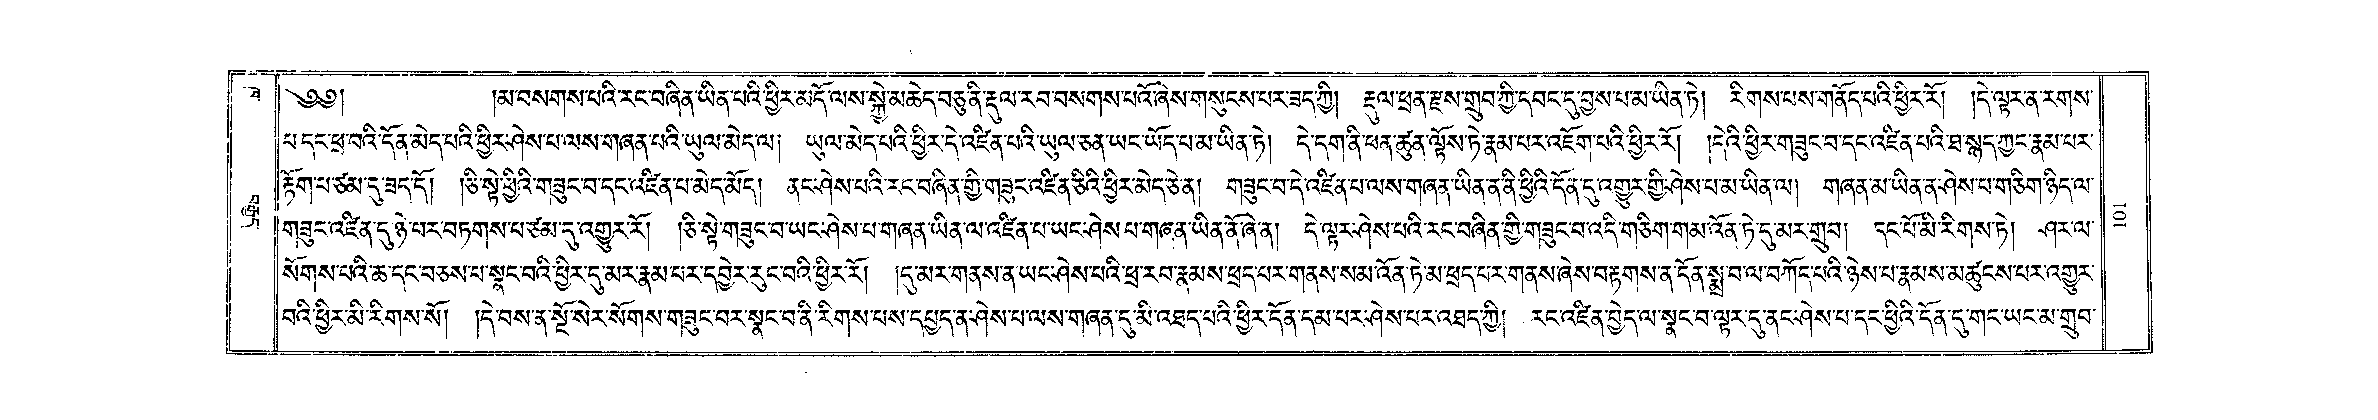༄༅། །མ་བསགས་པའི་རང་བཞིན་ཡིན་པའི་ཕྱིར་མདོ་ལས་སྐྱེ་མཆེད་བཅུ་ནི་རྡུལ་རབ་བསགས་པའོ་ཞེས་གསུངས་པར་ཟད་ཀྱི། རྡུལ་ཕྲན་རྫས་གྲུབ་ཀྱི་དབང་དུ་བྱས་པ་མ་ཡིན་ཏེ། རིགས་པས་གནོད་པའི་ཕྱིར་རོ། །དེ་ལྟར་ན་རགས་
པ་དང་ཕྲ་བའི་དོན་མེད་པའི་ཕྱིར་ཤེས་པ་ལས་གཞན་པའི་ཡུལ་མེད་ལ། ཡུལ་མེད་པའི་ཕྱིར་དེ་འཛིན་པའི་ཡུལ་ཅན་ཡང་ཡོད་པ་མ་ཡིན་ཏེ། དེ་དག་ནི་ཕན་ཚུན་ལྟོས་ཏེ་རྣམ་པར་འཇོག་པའི་ཕྱིར་རོ། །དེའི་ཕྱིར་གཟུང་བ་དང་འཛིན་པའི་ཐ་སྙད་ཀྱང་རྣམ་པར་
རྟོག་པ་ཙམ་དུ་ཟད་དོ། །ཅི་སྟེ་ཕྱིའི་གཟུང་བ་དང་འཛིན་པ་མེད་མོད། ནང་ཤེས་པའི་རང་བཞིན་གྱི་གཟུང་འཛིན་ཅིའི་ཕྱིར་མེད་ཅེ་ན། གཟུང་བ་དེ་འཛིན་པ་ལས་གཞན་ཡིན་ན་ནི་ཕྱིའི་དོན་དུ་འགྱུར་གྱི་ཤེས་པ་མ་ཡིན་ལ། གཞན་མ་ཡིན་ན་ཤེས་པ་གཅིག་ཉིད་ལ་
གཟུང་འཛིན་དུ་ཉེ་བར་བཏགས་པ་ཙམ་དུ་འགྱུར་རོ། །ཅི་སྟེ་གཟུང་བ་ཡང་ཤེས་པ་གཞན་ཡིན་ལ་འཛིན་པ་ཡང་ཤེས་པ་གཞན་ཡིན་ནོ་ཞེ་ན། དེ་ལྟར་ཤེས་པའི་རང་བཞིན་གྱི་གཟུང་བ་འདི་གཅིག་གམ་འོན་ཏེ་དུ་མར་གྲུབ། དང་པོ་མི་རིགས་ཏེ། ཤར་ལ་
སོགས་པའི་ཆ་དང་བཅས་པ་སྣང་བའི་ཕྱིར་དུ་མར་རྣམ་པར་དབྱེར་རུང་བའི་ཕྱིར་རོ། །དུ་མར་གནས་ན་ཡང་ཤེས་པའི་ཕྲ་རབ་རྣམས་ཕྲད་པར་གནས་སམ་འོན་ཏེ་མ་ཕྲད་པར་གནས་ཞེས་བརྟགས་ན་དོན་སྨྲ་བ་ལ་བཀོད་པའི་ཉེས་པ་རྣམས་མཚུངས་པར་འགྱུར་
བའི་ཕྱིར་མི་རིགས་སོ། །དེ་བས་ན་སྔོ་སེར་སོགས་གཟུང་བར་སྣང་བ་ནི་རིགས་པས་དཔྱད་ན་ཤེས་པ་ལས་གཞན་དུ་མི་འཐད་པའི་ཕྱིར་དོན་དམ་པར་ཤེས་པར་འཐད་ཀྱི། རང་འཛིན་བྱེད་ལ་སྣང་བ་ལྟར་དུ་ནང་ཤེས་པ་དང་ཕྱིའི་དོན་དུ་གང་ཡང་མ་གྲུབ་